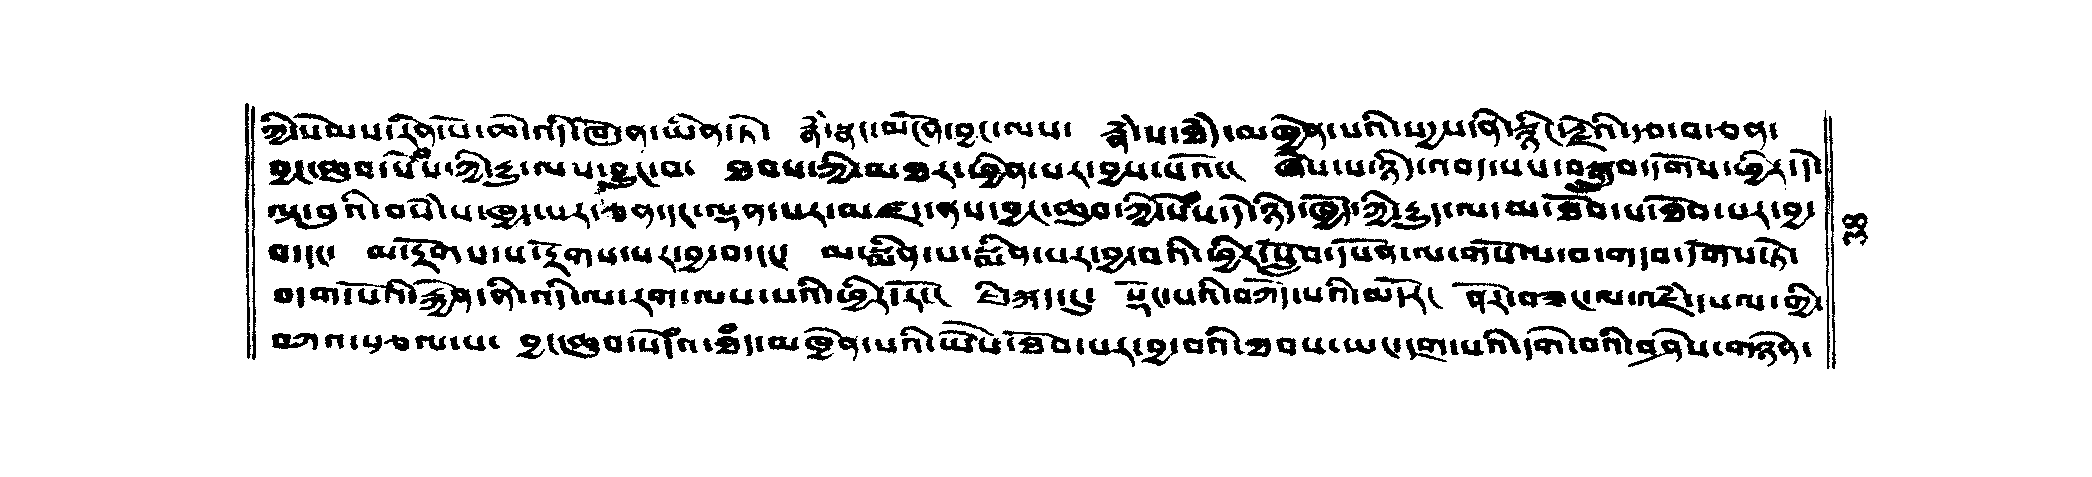ཀྱི་སེམས་རིན་པོ་ཆེ་འདི་ཁ་ན་ཡིན་ཏེ། རྣམ་སྣང་མངོན་བྱང་ལས། རྣམ་པ་ཐམས་ཅད་མཁྱེན་པའི་སངས་རྒྱས་ནི་སྙིང་རྗེའི་རྩ་བ་ཅན་
བྱང་ཆུབ་སེམས་ཀྱི་རྒྱུ་ལས་བྱུང་བ། ཐབས་ཀྱི་མཐར་ཕྱིན་པར་བྱས་པའོ། ཞེས་པ་ཉིད་འབད་པས་བསྒྲུབ་དགོས་ཕྱིར་དེ་
ལྟ་བུའི་བསམ་པ་ཁྱད་པར་ཅན་དང་ལྡན་པར་མཛད་ནས་བྱང་ཆུབ་ཀྱི་སེམས་དེ་ཉིད་ཁྱོད་ཀྱི་རྒྱུད་ལ་མ་ཐོབ་པ་ཐོབ་པར་བྱ་
བ་དང་། མ་རྟོགས་པ་རྟོགས་པར་བྱ་བ་དང་། མ་སྨིན་པ་སྨིན་པར་བྱ་བའི་ཕྱིར་སློབ་དཔོན་ལ་གསོལ་བ་གདབ་དགོས་ཏེ་
བདག་པོའི་རྐྱེན་ནི་འདི་ལ་རག་ལས་པའི་ཕྱིར་རོ། ཇི་སྐད་དུ། སྡོང་པའི་བཀོད་པའི་མདོར། ནོར་བཟང་ལ་འཇམ་དཔལ་གྱི་
བཀའ་སྩལ་པ། བྱང་ཆུབ་སེམས་དཔའ་ཐམས་ཅད་མཁྱེན་པའི་ཡེ་ཤེས་ཐོབ་པར་བྱ་བའི་ཐབས་ཡང་དག་པའི་དགེ་བའི་བཤེས་གཉེན་